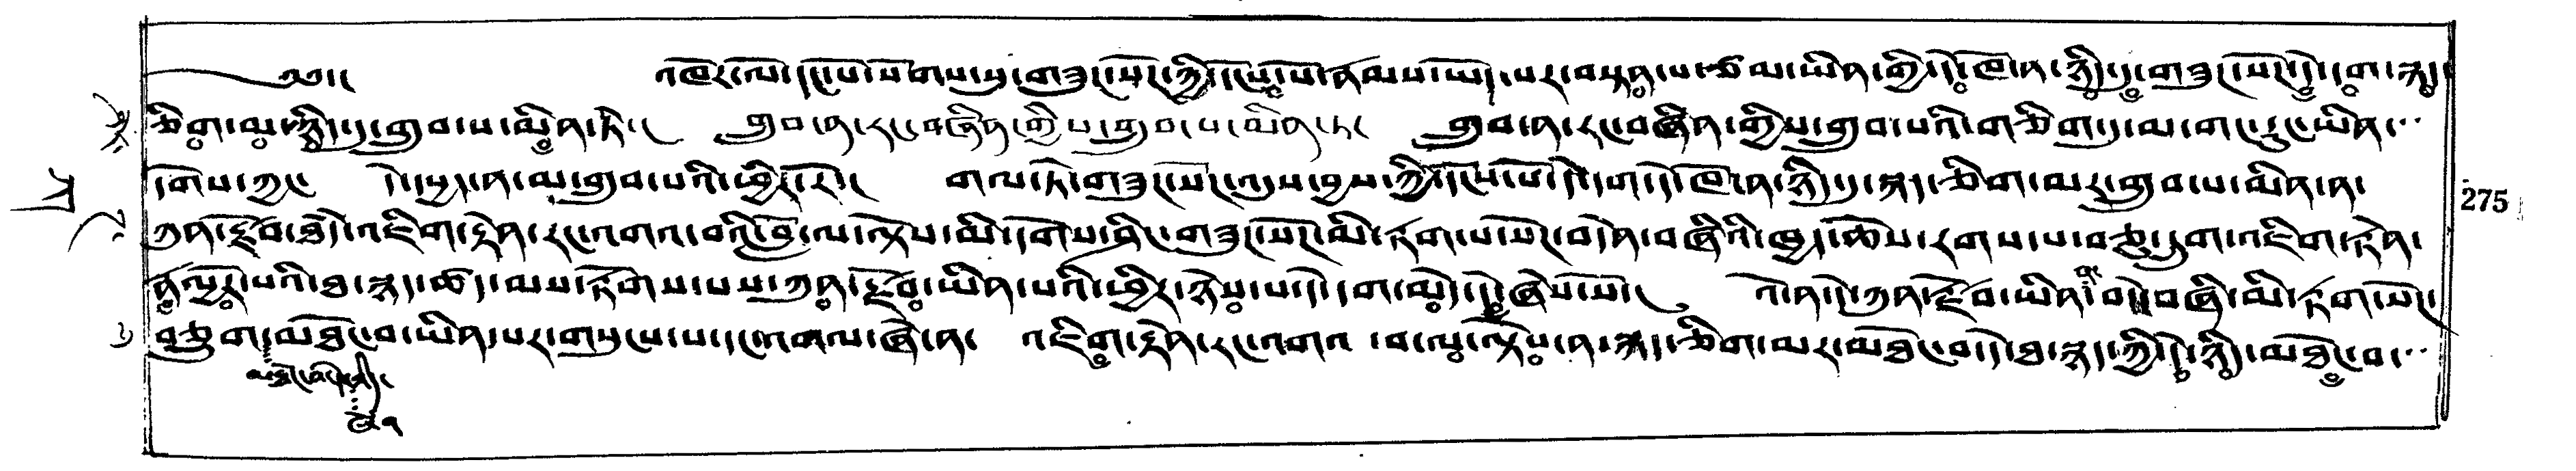འཁོར་ལོ་དང་པོ་སོགས་སུ་གཟུགས་སོགས་ཀྱི་དངོས་པོ་རྣམས་ཡོད་པར་བསྟན་པ་ཙམ་ཡིན་གྱི་དེ་ཁོ་ན་ཉིད་དུ་གཟུགས་སོགས་དེ་དག་སྐད་
ཅིག་མ་ཉིད་དུ་གྲུབ་པ་མིན་ཏེ། གྲུབ་ན་རང་བཞིན་གྱིས་གྲུབ་པ་མིན་ཏེ། གྲུབ་ན་རང་བཞིན་གྱིས་གྲུབ་པའི་གཅིག་དུ་མ་གང་རུང་ཡིན་
དགོས་ཀྱང་། དེ་དཔྱད་ན་མ་གྲུབ་པའི་ཕྱིར་རོ། གལ་ཏེ་གཟུགས་སོགས་འདུས་བྱས་ཀྱི་དངོས་པོ་དེ་དག་དེ་ཁོ་ན་ཉིད་དུ་སྐད་ཅིག་མར་གྲུབ་པ་མིན་ན། 
ཀུན་རྫོབ་ཐམས་ཅད་འཇིག་རྟེན་རང་འགའ་བའི་བློ་ལ་ལྟོས་མི་དགོས་ཤིང་གཟུགས་སོགས་མི་རྟག་པ་སོགས་བདེན་བཞིའི་ཁྱད་ཆོས་རགས་པ་བཅུ་དྲུག་འཇིག་རྟེན་
རྣལ་འབྱོར་པའི་ཐ་སྙད་ཚད་མས་རྟོགས་པས་ཀུན་རྫོབ་ཡིན་པའི་ཕྱིར་ཉེས་པ་དེ་དག་མེད་དོ་ཞེས་སོ། འོ་ན་དེ་ཀུན་རྫོབ་ཡིན་ན་བདེན་བཞི་མི་རྟག་སོགས་
བཅུ་དྲུག་མཐོང་བ་དེ་ཁོ་ན་ཉིད་མཐོང་བ་ཡིན་པར་གསུངས་པ་དང་འགལ་ཞེ་ན། འཇིག་རྟེན་རང་འགའ་བ་ལ་ལྟོས་ན་སྐད་ཅིག་མར་མཐོང་བ་དེ་ཐ་སྙད་ཀྱི་དེ་ཉིད་མཐོང་བ་